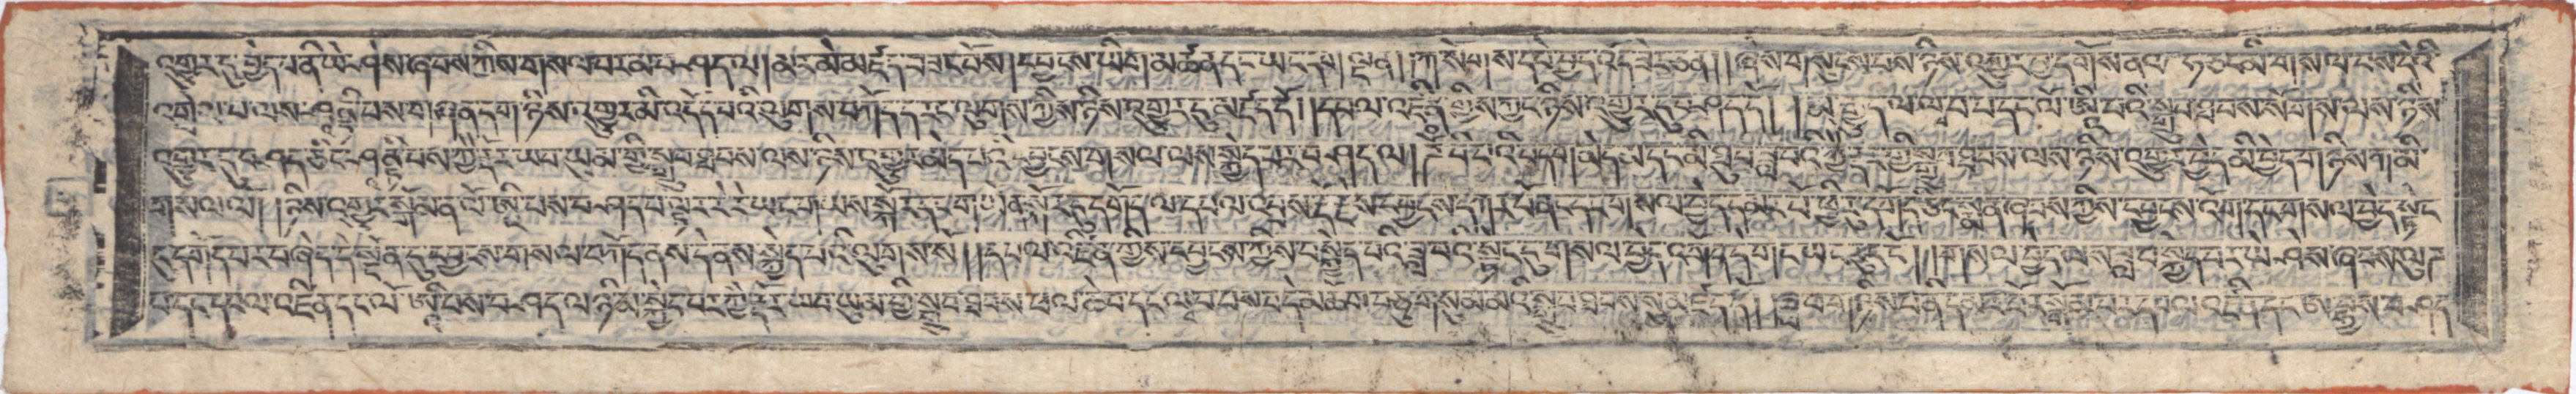འགྱུར་དུ་བྱེད་པ་ནི་ཡེ་ཤེས་ཞབས་ཀྱིས་གསལ་བར་མ་བཤད་ལ། མར་མེ་མཛད་བཟང་པོས། དབྱངས་ཡིག་མཚན་དང་ཡང་དག་ལྡན། །ཀ་སོགས་དཔེ་བྱད་འོད་ཟེར་ཅན། །ཞེས་གསུངས་པས་ཉིས་འགྱུར་བྱ་དགོས་ནའང་ཧ་ཅང་མི་གསལ་བས་དེའི་
འགྲེལ་པ་ལས་ཤཱནྟི་པས་གཞན་དག་ཉིས་འགྱུར་མི་འདོད་པའི་ལུགས་བཀོད་དེ་རང་ལུགས་ཀྱིས་ཉིས་འགྱུར་དུ་མཛད་དོ། །དཔལ་འཛིན་གྱིས་ཀྱང་ཉིས་འགྱུར་དུ་བཤད་དོ། །མ་རྒྱུད་ལ་ལྭ་བ་པ་དང་ལོ་ཨཱི་པའི་སྒྲུབ་ཐབས་སོགས་ལས་ཉིས་
འགྱུར་དུ་བཤད་ཅིང་ཤཱནྟི་པས་ཀྱཻ་རྡོར་ཡབ་ཡུམ་གྱི་སྒྲུབ་ཐབས་ལས་ཉིས་འགྱུར་མེད་པའི་དབྱངས་གསལ་ལས་སྐྱེད་པར་བཤད་ལ། ཌོཾ་བི་པའི་བདག་མེད་མ་དང་མི་ཐུབ་ཟླ་བའི་ཀྱཻ་རྡོར་གྱི་སྒྲུབ་ཐབས་ལས་ཉིས་འགྱུར་བྱེད་མི་བྱེད་གཉིས་ཀ་མི་
གསལ་ལོ། །ཉིས་འགྱུར་སྒོམ་ན་ལོ་ཨཱི་པས་བཤད་པ་ལྟར་རེ་རེ་ཡང་གཡས་སྐོར་དང་གཡོན་སྐོར་དུ་དགོད་ལ་དཔལ་འབྲས་རྡོ་རྗེས་དབྱངས་དཀར་པོ་ནང་དང་གསལ་བྱེད་དམར་པོ་ཕྱི་རུ་དགོད་ཅིང་སྨན་ཞབས་ཀྱིས་དབྱངས་འོག་དང་གསལ་བྱེད་སྟེང་
དུ་དགོད་པར་བཞེད་དེ་སྔོན་དུ་དབྱངས་གསལ་བཀོད་ནས་དེ་ནས་སྐྱེད་པའི་ལུགས་སོ། །དཔལ་འཛིན་གྱིས་དབྱངས་ཀྱིས་བསྐྱེད་པའི་ཟླ་བའི་སྟེང་དུ་གསལ་བྱེད་འགོད་དེ་གང་ཡང་རུང་ངོ། །གསལ་བྱེད་ལས་ཟླ་བ་སྐྱེད་པར་ཡེ་ཤེས་ཞབས་ལུཌ་
པ་དང་དཔལ་འཛིན་དང་ལོ་ཨཱི་པས་བཤད་ལ་ཉི་མ་སྐྱེད་པར་ཀྱཻ་རྡོར་ཡབ་ཡུམ་གྱི་སྒྲུབ་ཐབས་ཕལ་ཆེ་བ་དང་ལྭ་བ་པས་བདེ་མཆོག་བཅུ་གསུམ་མའི་སྒྲུབ་ཐབས་སུ་མཛད་དོ། །ཟླ་བ་གཉིས་པ་ནི་དམར་པོར་སྒོམ་པར་དཔལ་འཛིན་དང་ཨ་བྷྱས་བཤད་